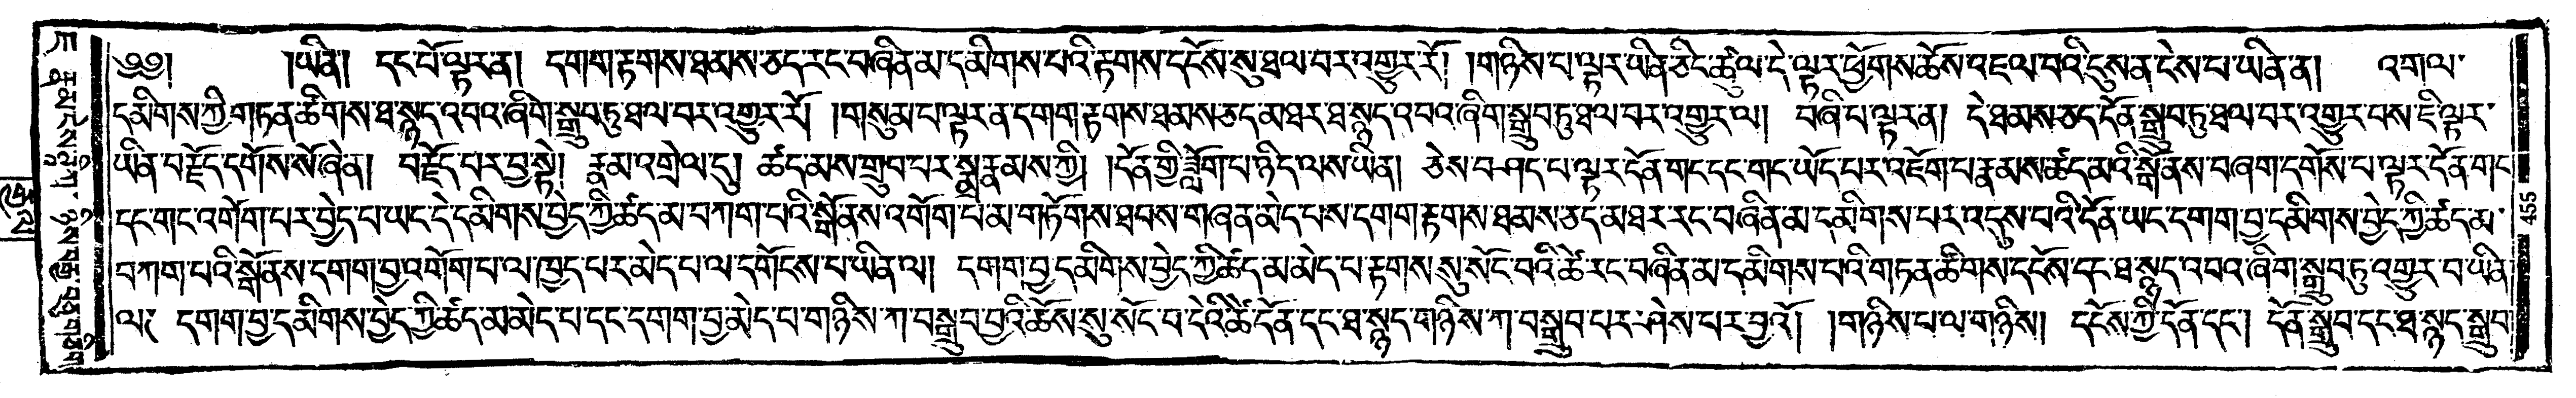༄༅། །ཡིན། དང་པོ་ལྟར་ན། དགག་རྟགས་ཐམས་ཅད་རང་བཞིན་མ་དམིགས་པའི་རྟགས་དངོས་སུ་ཐལ་བར་འགྱུར་རོ། །གཉིས་པ་ལྟར་ཡིན་ཅིང་ཚུལ་དེ་ལྟར་ཕྱོགས་ཆོས་འཇལ་བའི་དུས་ན་ངེས་པ་ཡིན་ན། འགལ་
དམིགས་ཀྱི་གཏན་ཚིགས་ཐ་སྙད་འབའ་ཞིག་སྒྲུབ་ཏུ་ཐལ་བར་འགྱུར་རོ། །གསུམ་པ་ལྟར་ན་དགག་རྟགས་ཐམས་ཅད་མཐར་ཐ་སྙད་འབའ་ཞིག་སྒྲུབ་ཏུ་ཐལ་བར་འགྱུར་ལ། བཞི་པ་ལྟར་ན། དེ་ཐམས་ཅད་དོན་སྒྲུབ་ཏུ་ཐལ་བར་འགྱུར་བས་ཇི་ལྟར་
ཡིན་བརྗོད་དགོས་སོ་ཞེ་ན། བརྗོད་པར་བྱ་སྟེ། རྣམ་འགྲེལ་དུ། ཚད་མས་གྲུབ་པར་སྨྲ་རྣམས་ཀྱི། །དོན་གྱི་ཟློག་པ་ཉིད་ལས་ཡིན། ཅེས་བཤད་པ་ལྟར་དོན་གང་དང་གང་ཡོད་པར་འཇོག་པ་རྣམས་ཚད་མའི་སྒོ་ནས་བཞག་དགོས་པ་ལྟར་དོན་གང་
དང་གང་འགོག་པར་བྱེད་པ་ཡང་དེ་དམིགས་བྱེད་ཀྱི་ཚད་མ་བཀག་པའི་སྒོ་ནས་འགོག་པ་མ་གཏོགས་ཐབས་གཞན་མེད་པས་དགག་རྟགས་ཐམས་ཅད་མཐར་རང་བཞིན་མ་དམིགས་པར་འདུས་པའི་དོན་ཡང་དགག་བྱ་དམིགས་བྱེད་ཀྱི་ཚད་མ་
བཀག་པའི་སྒོ་ནས་དགག་བྱ་འགོག་པ་ལ་ཁྱད་པར་མེད་པ་ལ་དགོངས་པ་ཡིན་ལ། དགག་བྱ་དམིགས་བྱེད་ཀྱི་ཚད་མ་མེད་པ་རྟགས་སུ་སོང་བའི་ཚེ་རང་བཞིན་མ་དམིགས་པའི་གཏན་ཚིགས་དངོས་དང་ཐ་སྙད་འབའ་ཞིག་སྒྲུབ་ཏུ་འགྱུར་བ་ཡིན་
ལ། དགག་བྱ་དམིགས་བྱེད་ཀྱི་ཚད་མ་མེད་པ་དང་དགག་བྱ་མེད་པ་གཉིས་ཀ་བསྒྲུབ་བྱའི་ཆོས་སུ་སོང་བ་དེའི་ཚེ་དོན་དང་ཐ་སྙད་གཉིས་ཀ་བསྒྲུབ་པར་ཤེས་པར་བྱའོ། །གཉིས་པ་ལ་གཉིས། དངོས་ཀྱི་དོན་དང་། དོན་སྒྲུབ་དང་ཐ་སྙད་སྒྲུབ་